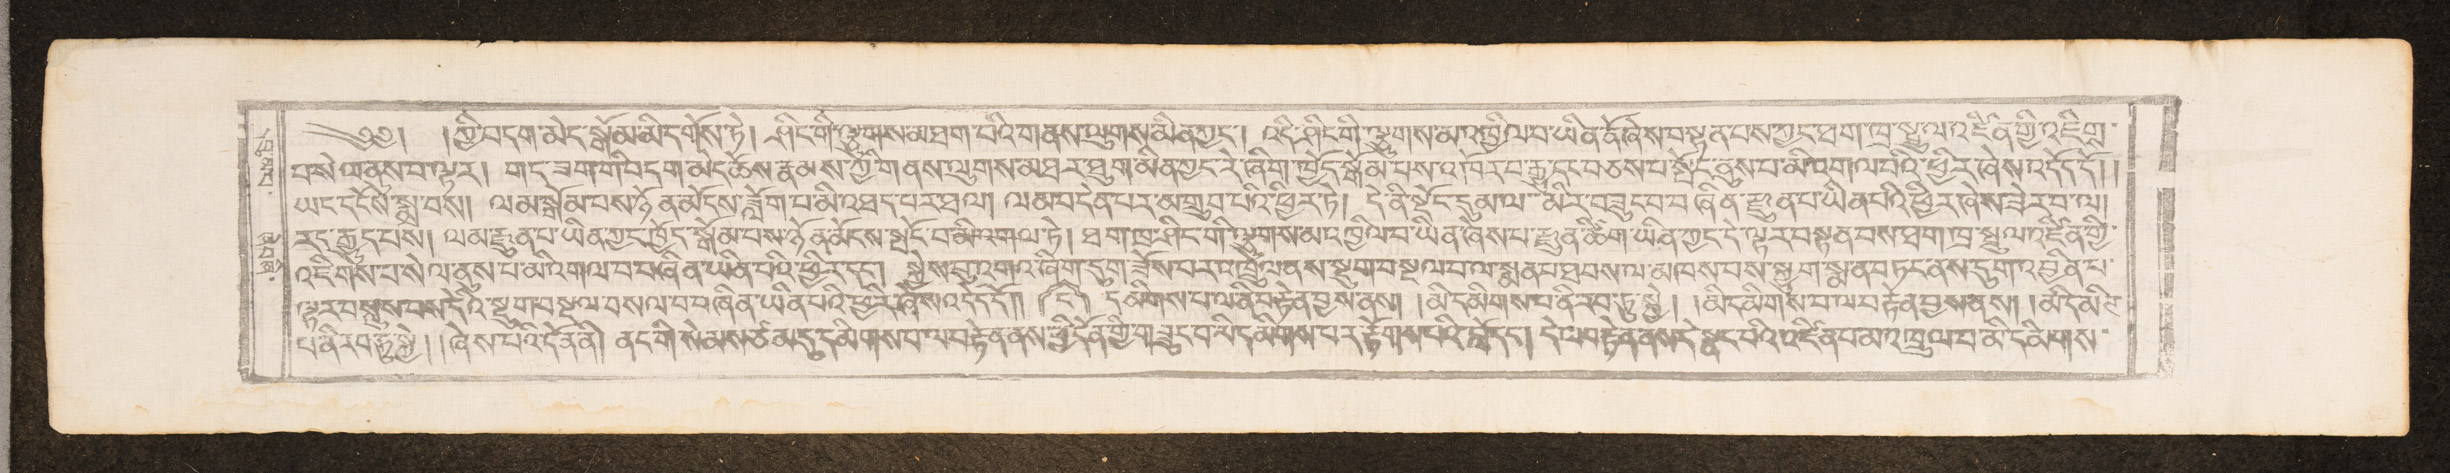༄༅། །ཀྱི་བདག་མེད་སྒོམ་མི་དགོས་ཏེ། ཤིང་གི་ལྕུགས་མཐག་བའི་གནས་ལུགས་མིན་ཀྱང་། འདི་ཤིང་གི་ལྕུགས་མ་འཁྱིལ་བ་ཡིན་ནོ་ཞེས་བསྟན་པས་ཀྱང་ཐག་ཁྲ་སྤུལ་འཛིན་གྱི་འཇིག་
པ་སེལ་ནུས་པ་ལྟར། གང་ཟག་གི་བདག་མེད་ཆོས་རྣམས་ཀྱི་གནས་ལུགས་མཐར་ཐུག་མིན་ཀྱང་རེ་ཞིག་ཁྱོད་སྒོམ་པས་འཁོར་བ་རྒྱུ་དང་བཅས་པ་སྤོང་ནུས་པ་མི་འགལ་བའི་ཕྱིར་ཞེས་འདོད་དོ། །
ཡང་དངོས་སྨྲ་བས། ལམ་སྒོམ་པས་ཉོན་མོངས་ཟློག་པ་མི་འཐད་པར་ཐལ། ལམ་བདེན་པར་མ་གྲུབ་པའི་ཕྱིར་ཏེ། དེ་ནི་སྡོང་དུ་མ་ལ་མི་ར་བཟུང་བ་བཞིན་རྫུན་པ་ཡིན་པའི་ཕྱིར་ཞེས་ཟེར་བ་ལ།
རང་རྒྱུད་པས། ལམ་རྫུན་པ་ཡིན་ཀྱང་ཁྱོད་སྒོམ་པས་ཉོན་མོངས་སྤོང་བ་མི་འགལ་ཏེ། ཐག་ཁྲ་ཤིང་གི་ལྕུགས་མ་འཁྱིལ་བ་ཡིན་ཞེས་པ་རྫུན་ཚིག་ཡིན་ཀྱང་དེ་ལྟར་བསྟན་པས་ཐག་ཁྲ་སྤྲུལ་འཛིན་གྱི་
འཇིགས་པ་སེལ་ནུས་པ་མི་འགལ་བ་བཞིན་ཡིན་པའི་ཕྱིར་དང་། སྐྱེས་བུ་འགའ་ཞིག་དུག་ཟོས་པར་འཁྲུལ་ནས་སྡུག་བསྔལ་བ་ལ་སྨན་པ་ཐབས་ལ་མཁས་པས་སྐྱུག་སྨན་བཏང་ནས་དུག་འབྱིན་པ་
ལྟར་བསླུས་བས་དེའི་སྡུག་བསྔལ་བསལ་བ་བཞིན་ཡིན་པའི་ཕྱིར་ཞེས་འདོད་དོ།། ༼༽ད༼༽ དམིགས་པ་ལ་ནི་བརྟེན་བྱས་ནས། །མི་དམིགས་པ་ནི་རབ་ཏུ་སྐྱེ། །མི་དམིགས་པ་ལ་བརྟེན་བྱས་ནས། །མི་དམིཊ་
པ་ནི་རབ་ཏུ་སྐྱེ། །ཞེས་པའི་དོན་ནི། ནང་གི་སེམས་ཙམ་དུ་དམིགས་པ་ལ་བརྟེན་ནས་ཕྱི་དོན་གྱི་གཟུང་བ་མི་དམིགས་པར་རྟོགས་པའི་བློ་དང་། དེ་ལ་བརྟེན་ནས་དེ་སྣང་བའི་འཛིན་པ་མ་འཁྲུལ་བ་མི་དམིགས་